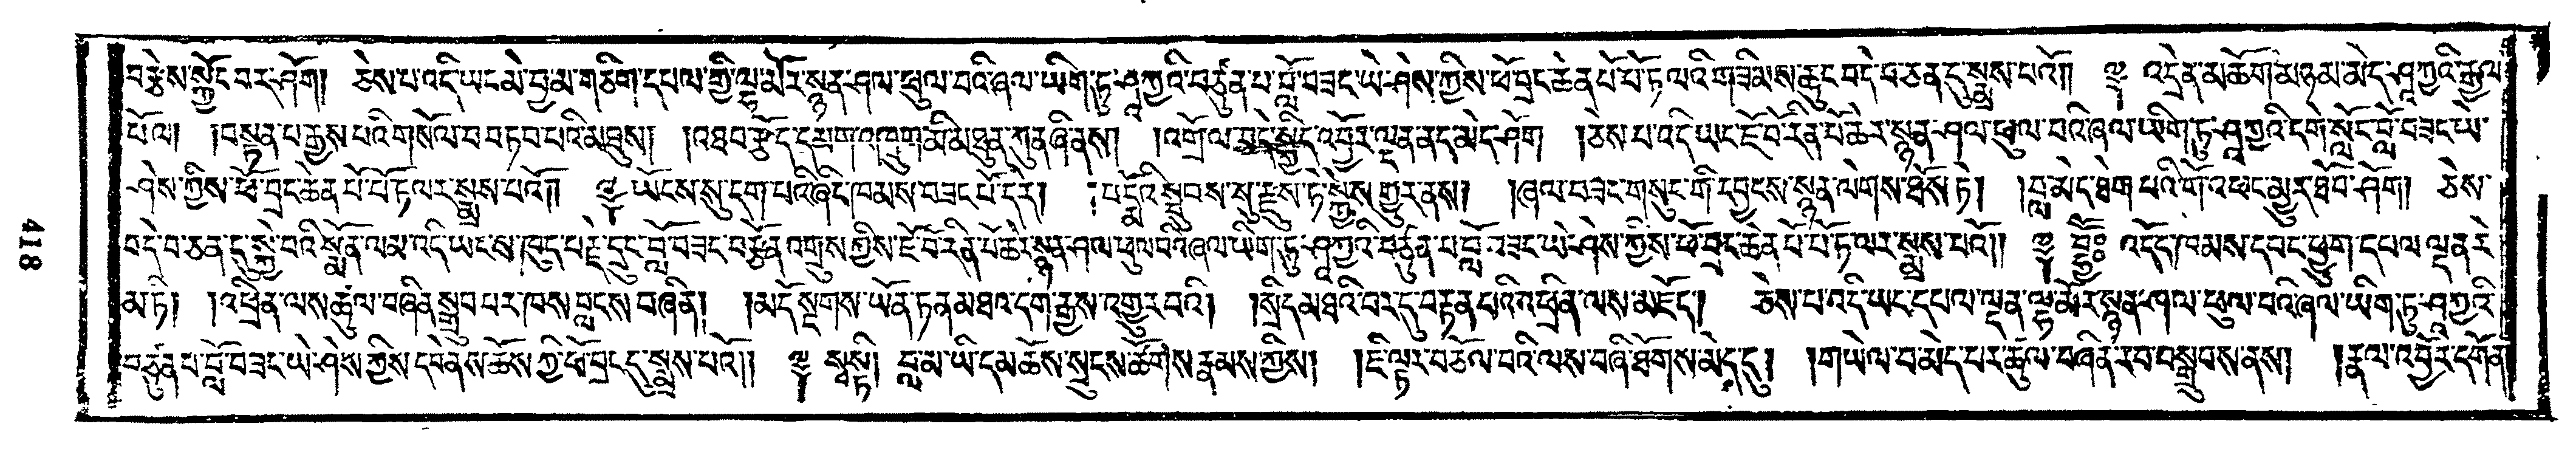བརྩེས་སྐྱོང་བར་ཤོག། ཅེས་པ་འདི་ཡང་མེ་བྱ་མ་གཅིག་དཔལ་གྱི་ལྷ་མོར་སྙན་ཤལ་ཕུལ་བའི་ཞལ་ཡིག་ཏུ་ཤཱཀྱའི་བཙུན་པ་བློ་བཟང་ཡེ་ཤེས་ཀྱིས་ཕོ་བྲང་ཆེན་པོ་པོ་ཏ་ལའི་གཟིམས་ཆུང་བདེ་བ་ཅན་དུ་སྨྲས་པའོ།། ༈ འདྲེན་མཆོག་མཉམ་མེད་ཤཱཀྱའི་རྒྱལ་
པོ་ལ། །བསྟན་པ་རྒྱས་པའི་གསོལ་བ་བཏབ་པའི་མཐུས། །འཐབ་རྩོད་དམག་འཁྲུག་མི་མཐུན་ཀུན་ཞི་ནས། །འགྲོ་ལ་བདེ་སྐྱིད་འབྱོར་ལྡན་ནད་མེད་ཤོག །ཅེས་པ་འདི་ཡང་ཇོ་བོ་རིན་པོ་ཆེར་སྙན་ཤལ་ཕུལ་བའི་ཞལ་ཡིག་ཏུ་ཤཱཀྱའི་དགེ་སློང་བློ་བཟང་ཡེ་
ཤེས་ཀྱིས་ཕོ་བྲང་ཆེན་པོ་པོ་ཏ་ལར་སྨྲས་པའོ།། ༈ ཡོངས་སུ་དག་པའི་ཞིང་ཁམས་བཟང་པོ་དེར། །པདམོའི་སྦུབས་སུ་རྫུས་ཏེ་སྐྱེས་གྱུར་ནས། །ཞལ་བཟང་གསུང་གི་དབྱངས་སྙན་ལེགས་ཐོས་ཏེ། །བླ་མེད་ཐེག་པའི་གོ་འཕང་མྱུར་ཐོབ་ཤོག། ཅེས་
བདེ་བ་ཅན་དུ་སྐྱེ་བའི་སྨོན་ལམ་འདི་ཡངས་ཁུད་པ་རྗེ་དྲུང་བློ་བཟང་བརྩོན་འགྲུས་ཀྱིས་ཇོ་བོ་རིན་པོ་ཆེར་སྙན་ཤལ་ཕུལ་བའི་ཞལ་ཡིག་ཏུ་ཤཱཀྱའི་བཙུན་པ་བློ་བཟང་ཡེ་ཤེས་ཀྱིས་ཕོ་བྲང་ཆེན་པོ་པོ་ཏ་ལར་སྨྲས་པའོ།། ༈ བྷྱཽཿ འདོད་ཁམས་དབང་ཕྱུག་དཔལ་ལྡན་རེ་
མ་ཏི། །འཕྲིན་ལས་ཚུལ་བཞིན་སྒྲུབ་པར་ཁས་བླངས་བཞིན། །མདོ་སྔགས་ཡོན་ཏན་མཐའ་དག་རྒྱས་འགྱུར་བའི། །སྲིད་མཐའ་བར་དུ་བརྟན་པའི་འཕྲིན་ལས་མཇོད། ཅེས་པ་འདི་ཡང་དཔལ་ལྡན་ལྷ་མོར་སྙན་ཤལ་ཕུལ་བའི་ཞལ་ཡིག་ཏུ་ཤཱཀྱའི་
བཙུན་པ་བློ་བཟང་ཡེ་ཤེས་ཀྱིས་དབེན་ས་ཆོས་ཀྱི་ཕོ་བྲང་དུ་སྨྲས་པའོ།། ༈ སྭསྟི། བླ་མ་ཡི་དམ་ཆོས་སྲུངས་ཚོགས་རྣམས་ཀྱིས། །ཇི་ལྟར་བཅོལ་བའི་ལས་བཞི་ཐོགས་མེད་དུ། །གཡེལ་བ་མེད་པར་ཚུལ་བཞིན་རབ་བསྒྲུབས་ནས། །རྣལ་འབྱོར་དགོན་